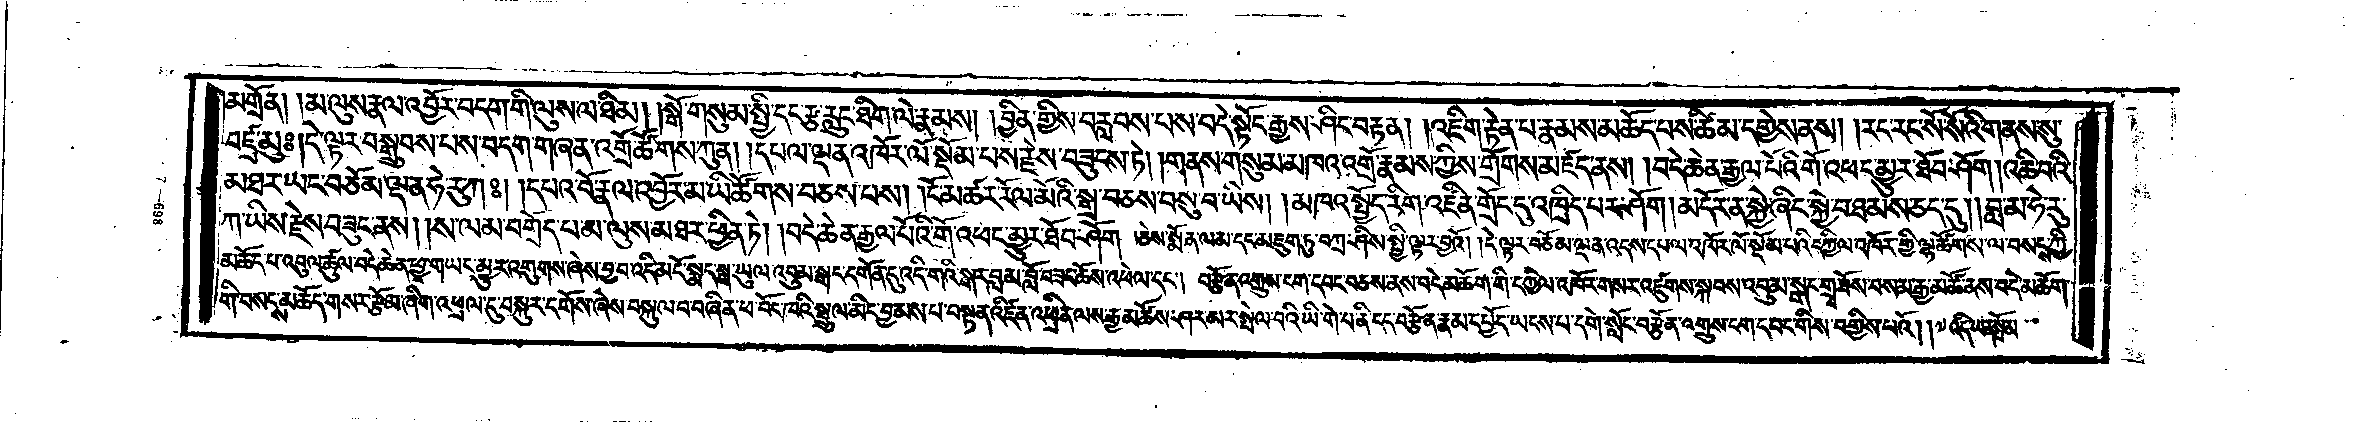མགྲོན། །མ་ལུས་རྣལ་འབྱོར་བདག་གི་ལུས་ལ་ཐིམ། །སྒོ་གསུམ་སྤྱི་དང་རྩ་རླུང་ཐིག་ལེ་རྣམས། །བྱི་གྱིས་རླབས་པས་བདེ་སྟོང་རྒྱས་ཞིང་བརྟན། །འཇིག་རྟེན་པ་རྣམས་མཆོད་པས་ཚིམ་དགྱེས་ནས། །རང་རང་སོ་སོའི་གནས་སུ་
བཛྲ་མུཿ། དེ་ལྟར་བསྒྲུབས་པས་བདག་གཞན་འགྲོ་ཚོགས་ཀུན། །དཔལ་ལྡན་འཁོར་ལོ་སྔོམ་པས་རྗེས་བཟུངས་ཏེ། །གནས་གསུམ་མཁའ་འགྲོ་རྣམས་ཀྱིས་གྲོགས་མཛད་ནས། །བདེ་ཆེན་རྒྱལ་པའི་གོ་འཕངས་མྱུར་ཐོབ་ཤོག། འཆི་བའི་
མཐར་ཡང་བཅོམ་ལྡན་ཧེ་དུ་ཀཿ། །དཔའ་པོ་རྣལ་འབྱོར་མ་ཡི་ཚོགས་བཅས་པས། །ངོ་མཐར་རོལ་མོའི་སྒྲ་བཅས་བསུ་བ་ཡིས། །མཁའ་སྤྱོད་རིག་འཛིན་གྲོང་དུ་འཁྲིད་པར་ཤོག། །མདོར་ན་སྐྱེ་ཞིང་སྐྱེ་པ་ཐམས་ཅད་དུ། །བླ་མ་ཧེ་རུ་
ཀ་ཡིས་རྗེས་བཟུང་ནས། །ས་ལམ་བགྲོས་པ་མ་ལུས་མཐར་ཕྱིན་ཏེ། །དེ་ཆེན་རྒྱལ་པོའི་གོ་འཕང་མྱུར་ཐོབ་ཤོག། །ཅེས་མོན་ལམ་དང་དང་འཇུག་ཏུ་བཀྲ་ཤིས་སྤྱི་ལྟར་བྱའོ། །དེ་ལྟར་བཅོམ་ལྡན་འདས་དཔལ་འཁོར་དངོམ་པའི་དཀྱིལ་འཁོར་གྱི་ལྷ་ཚོགས་ལ་བསངས་ཀྱི་
མཆོད་པ་འབུལ་ཚུལ་བདེ་ཆེན་ཕྱག་གཡང་མྱུར་འགུགས་ཞེས་བྱ་བ་འདི་མདོ་སྨད་སྒ་ཡུལ་འབུམ་སྐང་དགོན་དུ་འདི་གའི་སྒྲ་བླ་མ་བློ་བཟང་ཆོས་འ་ཕེལ་དང་། རྩོན་འགུས་ནག་དབང་བཅས་ནས་བདེ་མཆོག་གི་དཀྱིལ་འཁོར་གསར་འཛུགས་སྐབས་སྒང་གྲ་ཐོས་བསམ་རྒྱ་མཚོ་ནས་འདི་མཆོག་
གི་བསངས་མཆོད་གསང་རྩོམ་ཞིག་འཕྲལ་དུ་བསྐུར་དགོས་ཞེས་བསྐུལ་བ་བཞིན་ཕ་བོང་ཁའི་སྤྲུལ་མང་བྱམས་པ་བསྟན་འཛིན་འཕྲིན་ལས་རྒྱ་མཚོ་ཤར་མར་སྤེལ་བའི་ཡི་གེ་བ་ནི་དད་བརྩོན་རྣམ་དཔྱོད་ཡངས་བ་དགེ་སློང་འགྲུས་ངག་དབང་གིས་བགྱིས་པའོ། །༧་འདི་ཡན་སྤོམ་